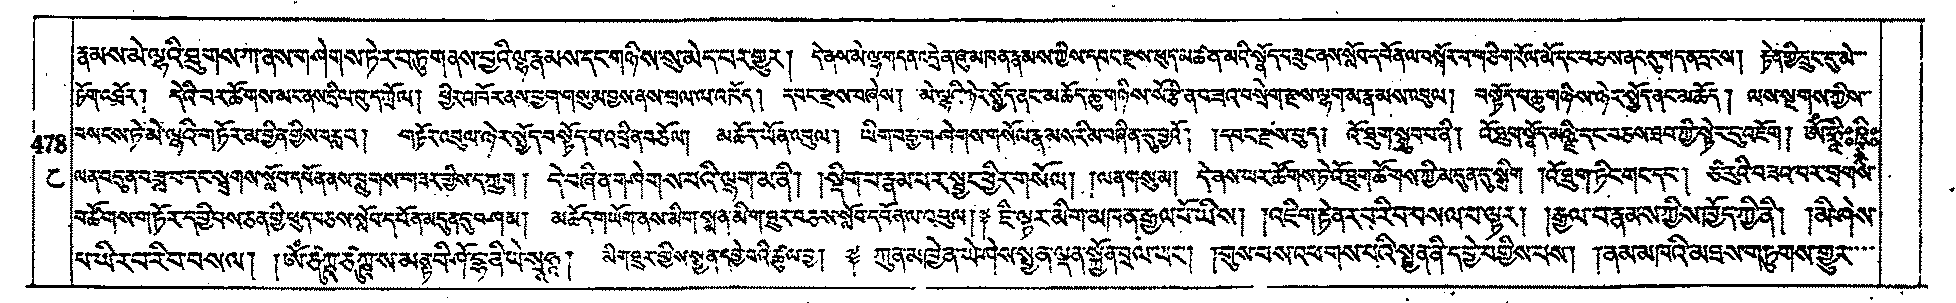རྣམས་མེ་ལྷའི་ཐུགས་ཀ་ནས་གཤེགས་ཏེ་རབ་ཏུ་གནས་བྱའི་ལྷ་རྣམས་དང་གཉིས་སུ་མེད་པར་གྱུར། དེ་ནས་མེ་ལྷ་གདན་འདྲེན་ཞུ་མཁན་རྣམས་ཀྱིས་དབང་རྫས་ཕུད་མཚན་མའི་སྣོད་བཟུང་ནས་སློབ་དཔོན་ལ་བསྐོར་བ་གཅིག་རོལ་མོ་དང་བཅས་ནང་དུ་གདན་དྲངས། རྟེན་གྱི་དྲུང་དུ་མེ་
ཏོག་འཐོར། དེའི་བར་ཚོགས་མང་ནས་དྲིལ་བུ་དཀྲོལ། ཕྱིར་འཁོར་ནས་ཕྱག་གསུམ་བྱས་ནས་གྲལ་ལ་འཁོད། དབང་རྫས་བཞེས། མེ་ལྷའི་ཉེར་སྤྱོད་ནང་མཆོད་ཆུ་གཉིས་སོ་རྩི་ན་བཟའ་བསྲེག་རྫས་ལྷག་མ་རྣམས་འབུལ། བསྟོད་པ་ཆུ་གཉིས་ཉེར་སྤྱོད་ནང་མཆོད། ལས་སྔགས་ཀྱིས་
བསངས་ཏེ་མེ་ལྷའི་གཏོར་མ་བྱིན་གྱིས་བརླབ། གཏོར་འབུལ་ཉེར་སྤྱོད་བསྟོད་པ་འཕྲིན་བཅོལ། མཆོད་ཡོན་འབུལ། ཡིག་བརྒྱ་གཤེགས་གསོལ་རྣམས་རིམ་བཞིན་དུ་བྱའོ། །དབང་རྫས་ཕུད། འོ་ཐུག་སྒྲུབ་པ་ནི། འོ་ཐུག་སྣོད་མཉྫི་དང་བཅས་ཐབ་ཀྱི་སྟེང་དུ་འཇོག །ཨོཾ་ཧྲཱིཿཥྚྲིཿ
ལན་བདུན་བཟླ་བ་དང་སྦྲགས་སློབ་དཔོན་ནས་བླུགས་གཟར་གྱིས་དཀྲུག། དེ་བཞིན་གཤེགས་པའི་ལྷག་མ་ནི། །སྡིག་པ་རྣམ་པར་སྦྱང་ཕྱིར་གསོལ། །ལན་གསུམ། དེ་ནས་ཡར་ཚོགས་ཏེ་ཐུག་ཚོགས་ཀྱི་མདུན་དུ་སྒྲིག །འོ་ཐུག་ཏིང་གང་དང་། ཙ་རུའི་བཟའ་བར་གྲགས་
པ་ཚོགས་གཏོར་དབྱིབས་ཅན་གྱི་ཕུད་བཅས་སློབ་དཔོན་མདུན་དུ་བཤམ། མཆོད་གཡོག་ནས་མིག་སྨན་མིག་ཐུར་བཅས་སློབ་དཔོན་ལ་འབུལ། འ་ཇི་ལྟར་མིག་མཁན་རྒྱལ་པོ་ཡིས། །འཇིག་རྟེན་རབ་རིབ་བསལ་བ་ལྟར། །རྒྱལ་བ་རྣམས་ཀྱིས་ཁྱོད་ཀྱི་ནི། །མི་ཤེས་
པ་ཡི་རབ་རིབ་བསལ། །ཨོཾ་ཙྐྵུ་ཙཀྵུ་ས་མནྟ་བི་ཤོ་དྷ་ནི་ཡེ་སྭཱཧཱ། མིག་ཐུར་གྱིས་སྤྱན་དབྱེ་བའི་ཚུལ་བྱ། འ་ཀུན་མཁྱེན་ཡེ་ཤེས་སྤྱན་ལྡན་སྐྱོན་བྲལ་ཡང་། །གུས་པས་འཕགས་པའི་སྤྱན་ནི་དབྱེ་བགྱིས་པས། །ནམ་མཁའི་མཐས་གཏུགས་གྱུར་